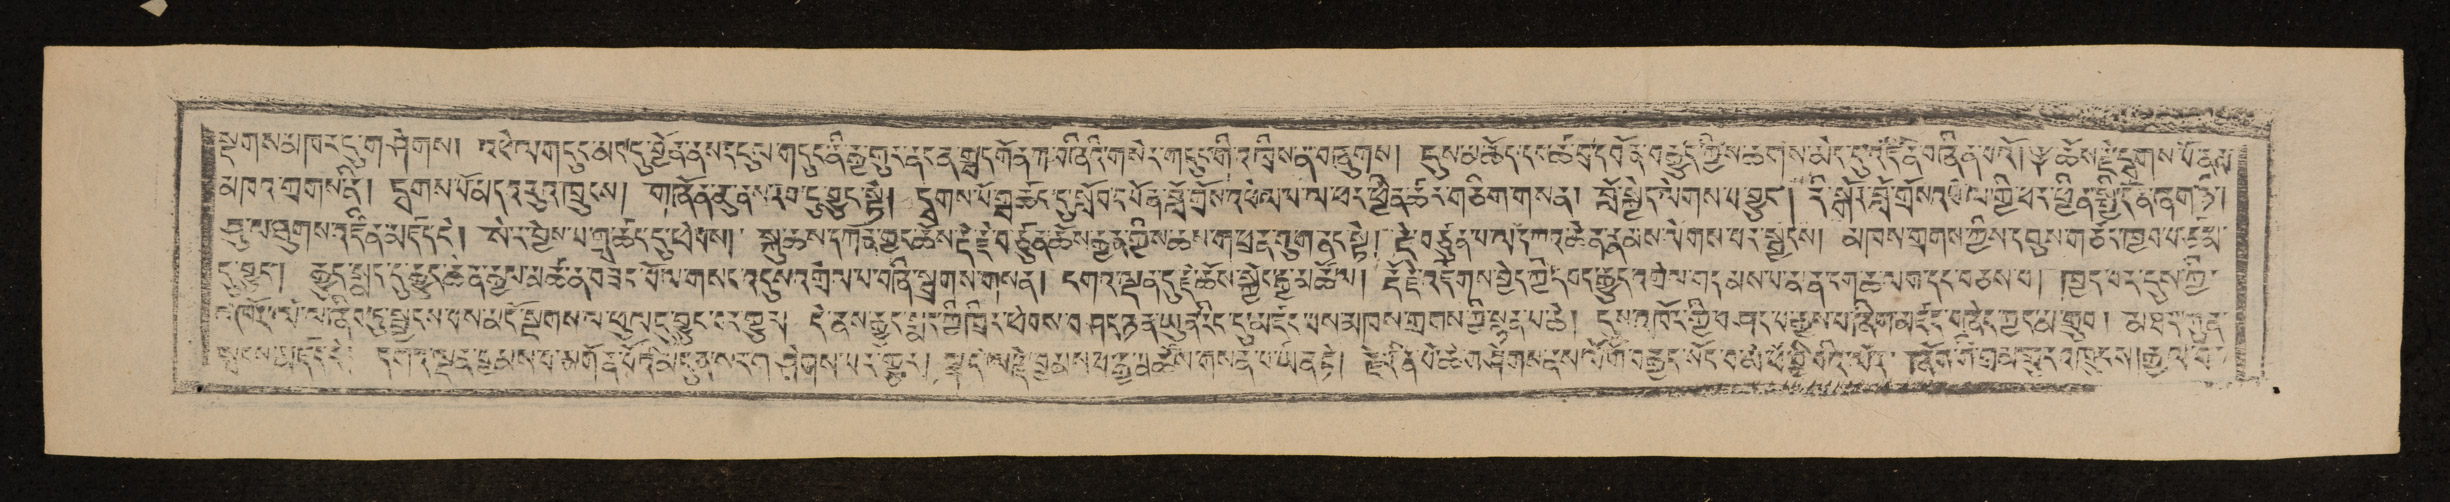སྔགས་མཁར་དུ་གཤེགས། འཕེལ་གདུང་མང་དུ་བྱོན་ནས་དངུལ་གདུད་ནི་རྒྱ་གུར་ནང་ན་གྲྭ་དགོན་ཀ་བཞིའི་གསེར་གདུད་གི་འཁྲིས་ན་བཞུགས། དུས་མཆོད་དང་ཚ་བྲ་དབོན་བརྒྱུད་ཀྱིས་ཆགས་མེད་དུ་འཛིན་བཞིན་པའོ། ༈ །ཆོས་རྗེ་དྭགས་པོ་ནམ་
མཁའ་གྲགས་ནི། དྭགས་པོ་མདའ་དུ་འཁྲུངས། གཞོན་ནུ་ནས་རབ་ཏུ་བྱུང་སྟེ། དྭགས་པོ་གྲྭ་ཚད་དུ་སློབ་དཔོན་བློ་གྲོས་འཕེལ་བ་ལ་ཕར་ཕྱིན་ཚར་གཅིག་གསན། བློ་སྐྱེད་ལེགས་པ་བྱུང་། རི་སྒོར་བློ་གྲོས་འཕེལ་གྱི་ཕར་ཕྱིན་སྤྱི་དོན་ཞག་ཉི་
ཤུ་ལ་ཐུགས་འཛིན་མཛད་དེ། སེར་བྱེས་པ་གྲྭ་ཚང་དུ་ཕེབས། སྐུ་ཆད་དཀོན་ཀྱང་ཆོས་རྡོ་རྗེ་བཙུན་ཆོས་རྒྱན་གྱིས་ཆས་ག་ཕྲན་བུ་གནང་སྟེ། རྗེ་བཙུན་པ་ལ་དཀའ་ཆེན་རྣམས་ལེགས་པར་སྤྱངས། མཁས་གྲགས་ཀྱིས་དབུས་གཙང་ཁྱབ་པ་ཙམ་
དུ་བྱུང་། རྒྱུད་སྨད་དུ་རྒྱུད་ཆེན་རྒྱལ་མཚན་བཟང་པོ་ལ་གསང་འདུས་འགྲེལ་བ་བཞི་སྦྲགས་གསན། དགའ་ལྡན་དུ་རྗེ་ཆོས་སྐྱོང་རྒྱ་མཚོ་ལ། རྡོ་རྗེ་འཇིགས་བྱེད་ཀྱི་དབང་རྒྱུད་འགྲེལ་གདམས་པ་མན་ངག་ཆ་ལག་དང་བཅས་པ། ཁྱད་པར་དུས་ཀྱི་
འཁོར་ལོ་ལ་ཞིབ་ཏུ་སྦྱངས་པས་མདོ་སྔགས་ལ་ཕུལ་དུ་བྱུང་བར་གྱུར། དེ་ནས་རྒྱུད་སྨད་ཀྱི་ཁྲིར་ཕེབས་བཤད་ཉན་ཡུན་རིང་དུ་མཛད་པས་མཁས་གྲགས་ཀྱི་སྙན་པ་ཆེ། དུས་འཁོར་གྱི་བཤད་པ་རྒྱས་པ་ཞིག་མཛད་བཞེད་ཀྱང་མ་གྲུབ། མཐར་ཀུན་
སྤངས་མཛད་དེ། དགའ་ལྡན་བྱམས་པ་མགོན་པོའི་མདུན་སར་གཤེགས་པར་གྱུར། ༈ དེ་ལ་རྗེ་བྱམས་པ་རྒྱ་མཚོས་གསན་པ་ཡིན་ཏེ། རྗེ་རིན་པོ་ཆེ་གཤེགས་ནས་ལོ་གོ་བརྒྱད་སོང་བ་མེ་ཕོ་བྱི་བའི་ལོར། ཞོག་གི་གྲམ་གྲུར་འཁྲུངས། རྒྱལ་བ་